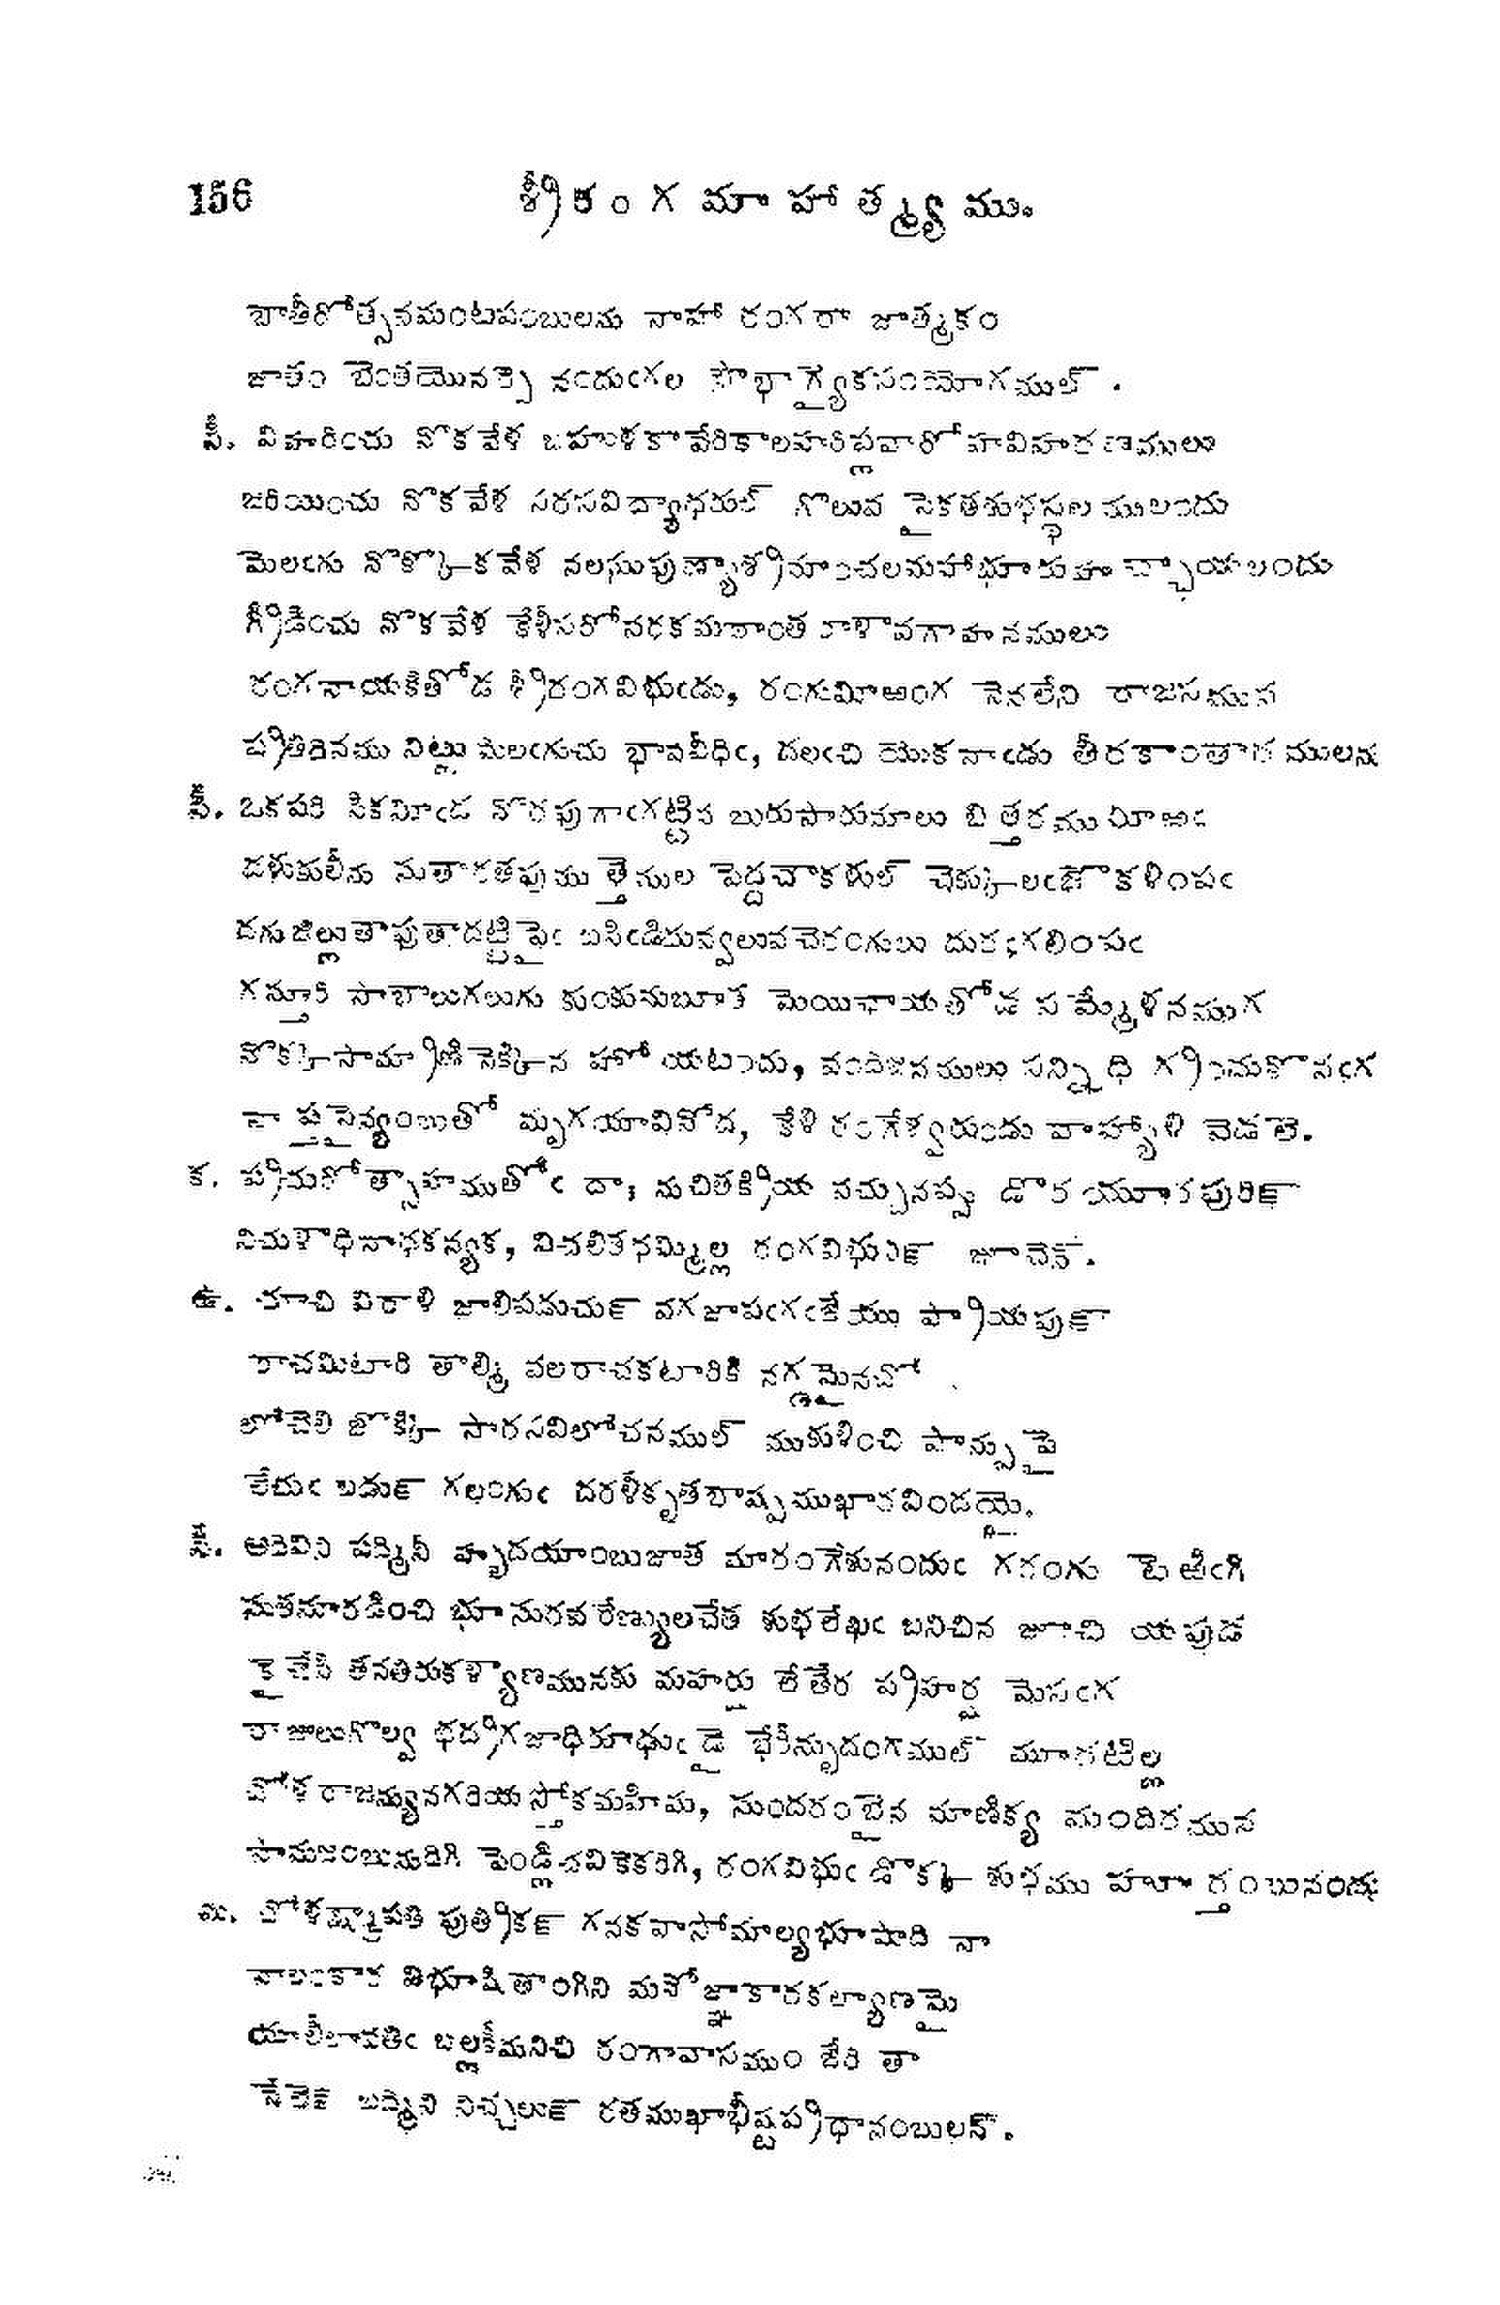బాతీరోత్సవమంటపంబులను నాహా రంగరాజాత్మకం
 జాతం బెంత యొనర్చె నందుఁగల సౌభాగ్యైకసంయోగముల్.
సీ. విహరించు నొకవేళ బహుళకావేరికాలహరిప్లవారోహవిహరణములు
 జరియించు నొకవేళ సరసవిద్యాధరుల్ గొలువ సైకతశుభస్థలములందు
 మెలఁగు నొక్కొకవేళ నలఘుపుణ్యాశ్రమాంచలమహాభూరుహచ్చాయలందు
 గ్రీడించు నొకవేళ కేళీసరోవరకమఠాంతరాళావగాహనములు
 రంగనాయకితోడ శ్రీరంగవిభుఁడు, రంగు మీఱఁగ నెనలేని రాజసమున
 ప్రతిదినము నిట్లు మెలఁగుచు భావవీథిఁ, దలఁచి యొకనాడు తీరకాంతారములను
సీ. ఒకపరి సికమీఁద నొరపుగాఁ గట్టిన బురుసారుమాలు బిత్తరము మీఱఁ
 దళుకులీను సుతారతపుముత్తెముల పెద్దచౌకళుల్ చెక్కులఁ జౌకళింపఁ
 దగుజిల్లుతాపుతాధట్టిపైఁ బసిఁడిదువ్వలువచెరంగులు దురఁగలింపఁ
 గస్తూరి సాబాలుగలుగు కుంకుమబూత మెయిచాయతోడ సమ్మేళనముగ
 నొక్కసామ్రాణి నెక్కిన హో యటంచు, వందిజనములు సన్నిధి గ్రంచుకొనఁగ
 నాప్తసైన్యంబుతో మృగయావినోద, కేళి రంగేశ్వరుండు వాహ్యాళి వెడలె.
క. ప్రచురోత్సాహముతోఁ దా, నుచితక్రియ వచ్చునప్పు డొరయూరపురిన్
 నిచుళాధినాథకన్యక, విచలితధమ్మిల్ల రంగవిభునిన్ జూచెన్.
ఉ. చూచి విరాళి జాలిపడుచున్ వగజాపఁగఁజేము ప్రాయపున్
 రాచమిటారి తాల్మి వలరాచకటారికి నగ్గమైనచో
 లోచెలి జొక్కి సారసవిలోచనముల్ ముకుళించి పాన్పుపై
 లేచుఁ బడున్ గలంగుఁ దరళీకృతభాష్పముఖారవిందయై.
సీ. అది విని పద్మినీహృదయాంబుజాత మారంగేశునందుఁ గరంగు టెఱిఁగి
 సుత నూరడించి భూసురవరేణ్యులచేత శుభలేఖఁ బనిచిన జూచి యపుడ
 కైచేసి తనతిరుకళ్యాణమునకు మహర్షు లేతేర ప్రహర్ష మెసఁగ
 రాజులు గొల్వ భద్రగజాధిరూఢుఁడై భేరీమృదంగముల్ మూరటిల్ల
 చోళరాజన్యునగరి యస్తోకమహీమ, సుందరంబైన మాణిక్యమందిరమున
 సామజంబును డిగి పెండ్లిచవికె కరిగి, రంగవిభుఁ డొక్కశుభముహూర్తంబునందు.
మ. చోళక్ష్మాపతి పుత్రికన్ గనకవాసోమాల్యభూషాది నా
 నాలంకార విభూషితాంగిని మనోజ్ఞాకారకల్యాణమై
 యాలీలావతిఁ బల్లకీమనిచి రంగావాసముం జేరి తా
 నేలెన్ బద్మిని నిచ్చలున్ రతముఖాభీష్టప్రధానంబులన్.